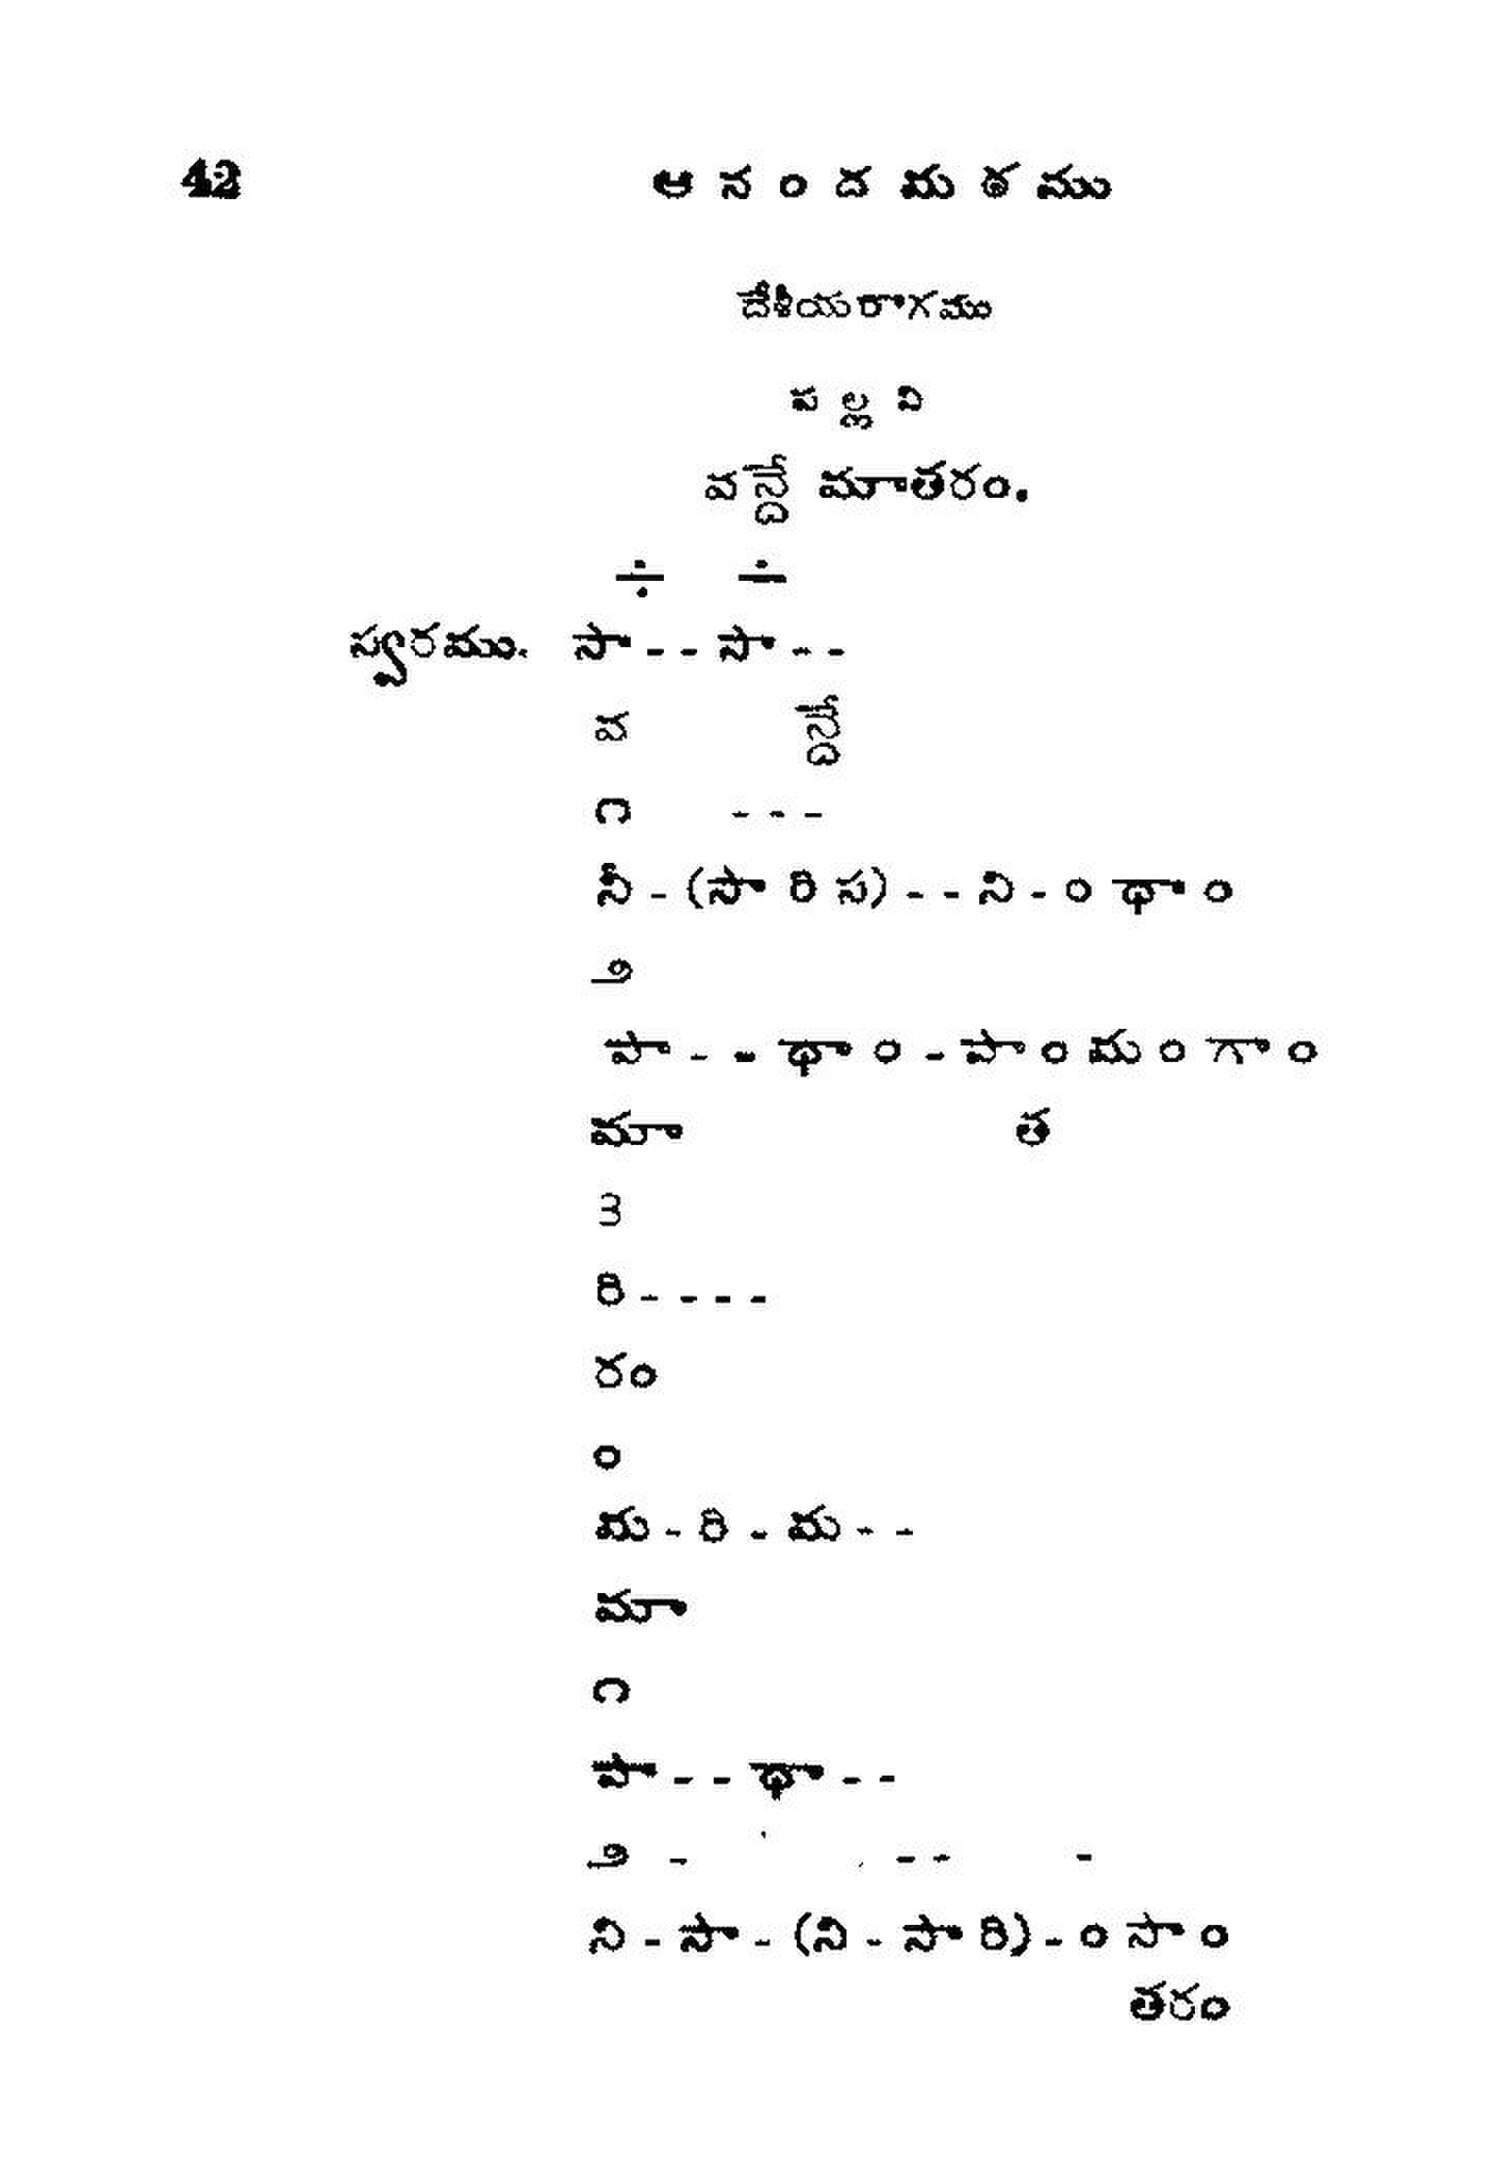÷ ÷ 

 స్వరము, సా - - సా -- 
వన్దే 
౧ - - - 
నీ - (సారిస) - - ని - ౦ధాం 
౨ 
పా - - థాం - పాంమంగాం 
మా త 
౩ 
రి - - - - 
రం 
o 
మ - రి - మ - - 
మా 
౧ 
పా - - ధా - - 
౨ - - - - 
ని - సా - (ని - సారి)- ౦సాం  
 తరం